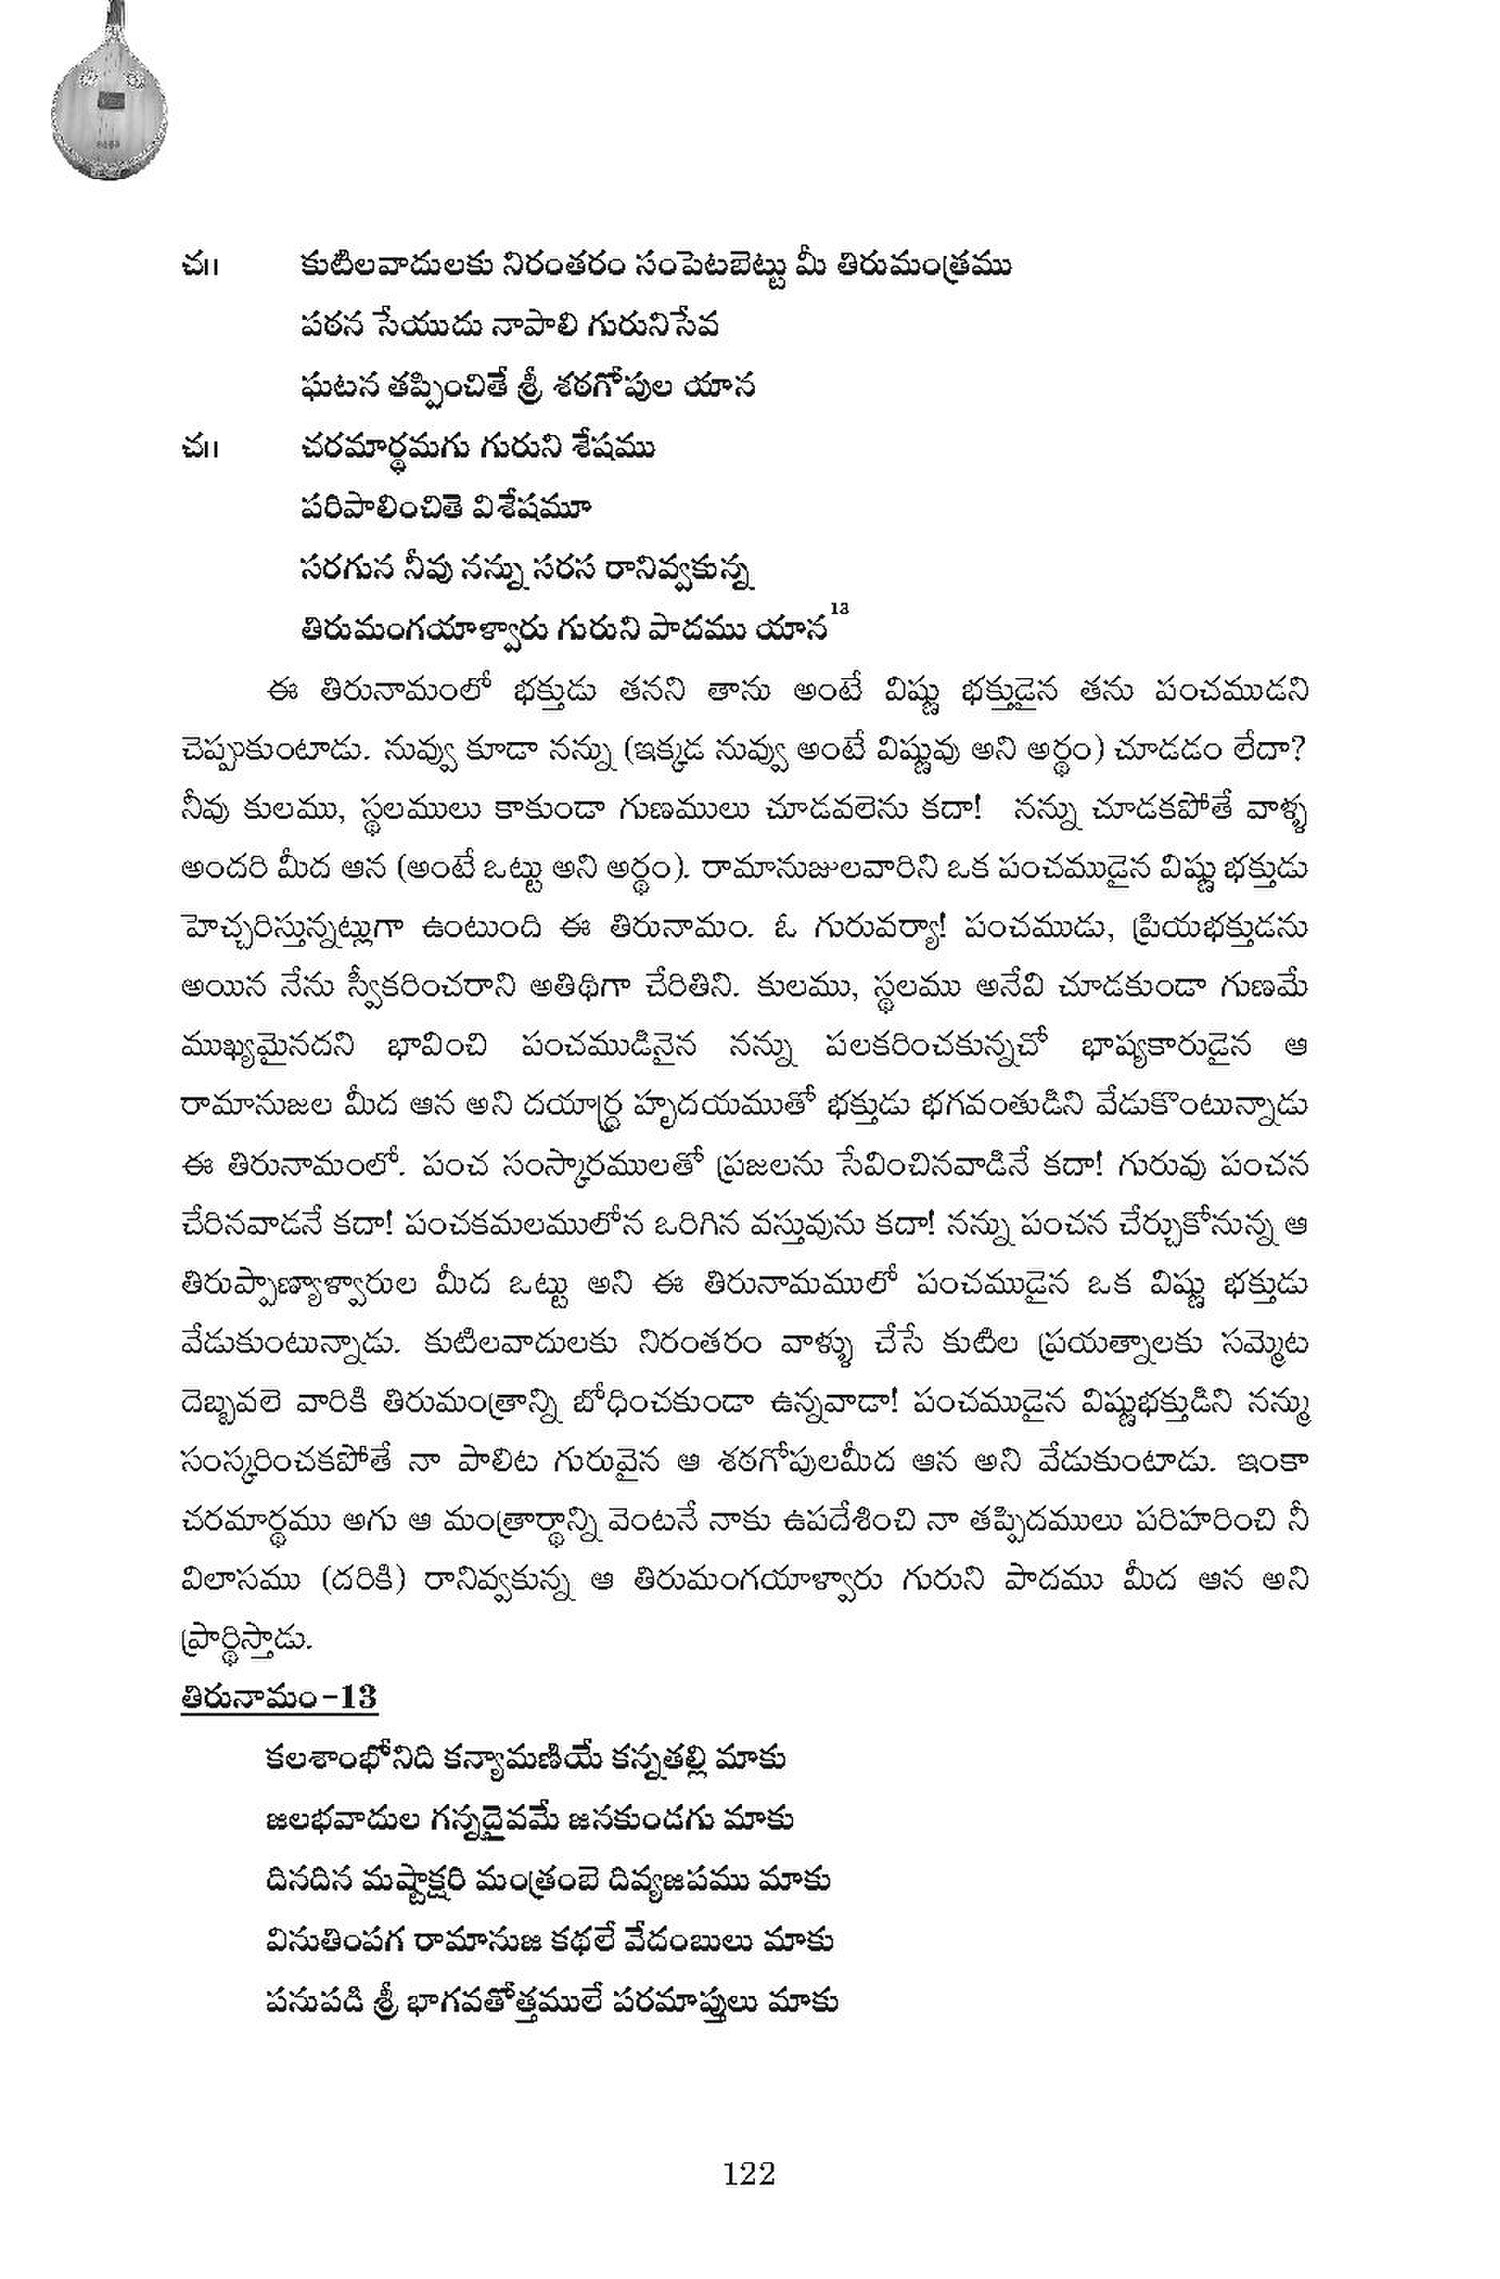చ౹౹ కుటిలవాదులకు నిరంతరం సంపెటబెట్టు మీ తిరుమంత్రము
పఠన సేయుదు నాపాలి గురునిసేవ
ఘటన తప్పించితే శ్రీ శఠగోపుల యాన

చ౹౹ చరమార్థమగు గురుని శేషము
పరిపాలించితే విశేషమూ
సరగున నీవు నన్ను సరస రానివ్వకున్న
తిరుమంగయాళ్వారు గురుని పాదము యాన13 

ఈ తిరునామంలో భక్తుడు తనని తాను అంటే విష్ణు భక్తుడైన తను పంచముడని చెప్పుకుంటాడు. నువ్వు కూడా నన్ను (ఇక్కడ నువ్వు అంటే విష్ణువు అని అర్థం) చూడడం లేదా? నీవు కులము, స్థలములు కాకుండా గుణములు చూడవలెను కదా! నన్ను చూడకపోతే వాళ్ళ అందరి మీద అన (అంటే ఒట్టు అని అర్థం). రామానుజులవారిని ఒక పంచముడైన విష్ణు భక్తుడు హెచ్చరిస్తున్నట్లుగా ఉంటుంది ఈ తిరునామం. ఓ గురువర్యా! పంచముడు, ప్రియభక్తుడను అయిన నేను స్వీకరించరాని అతిథిగా చేరితిని. కులము, స్థలము అనేవి చూడకుండా గుణమే ముఖ్యమైనదని భావించి పంచముడినైన నన్ను పలకరించుకున్నచో భాష్యకారుడైన ఆ రామానుజల మీద ఆన అని దయార్ద్ర హృదయముతో భక్తుడు భగవంతుడిని వేడుకొంటున్నాడు ఈ తిరునామంలో పంచ సంస్కారములతో ప్రజలను సేవించినవాడినే కదా! గురువు పంచన చేరిన వాడనే కదా! పంచకమలములోన ఒరిగిన వస్తువును కదా! నన్ను పంచన చేర్చుకోనున్న ఆ తిరుప్పాణ్యాళ్వారుల మీద ఒట్టు అని ఈ తిరునామములో పంచముడైన ఒక విష్ణు భక్తుడు వేడుకుంటున్నాడు. కుటిలవాదులకు నిరంతరం వాళ్ళు చేసే కుటిల ప్రయత్నాలకు సమ్మెట దెబ్బవలె వారికి తిరుమంత్రాన్ని బోధించకుండా ఉన్నవాడా! పంచముడైన విష్ణుభక్తుడిని నన్ము సంస్కరించకపోతే నా పాలిట గురువైన ఆ శఠగోపులమీద ఆన అని వేడుకుంటాడు. ఇంకా చరమార్థము అగు ఆ మంత్రార్థాన్ని వెంటనే నాకు ఉపదేశించి నా తప్పిదములు పరిహరించి నీ విలాసము (దరికి) రానివ్వకున్న ఆ తిరుమంగయాళ్వారు గురుని పాదము మీద అన అని ప్రార్థిస్తాడు.

తిరునామం-13 

కలశాంభోనిది కన్యామణియే కన్నతల్లి మాకు
జలభవాదుల గన్నదైవమే జనకుండగు మాకు
దినదిన మష్టాక్షరి మంత్రంబె దివ్యజపము మాకు
వినుతింపగ రామానుజ కథలే వేదంబులు మాకు
పనుపడి శ్రీ భాగవతోత్తములే పరమాప్తులు మాకు